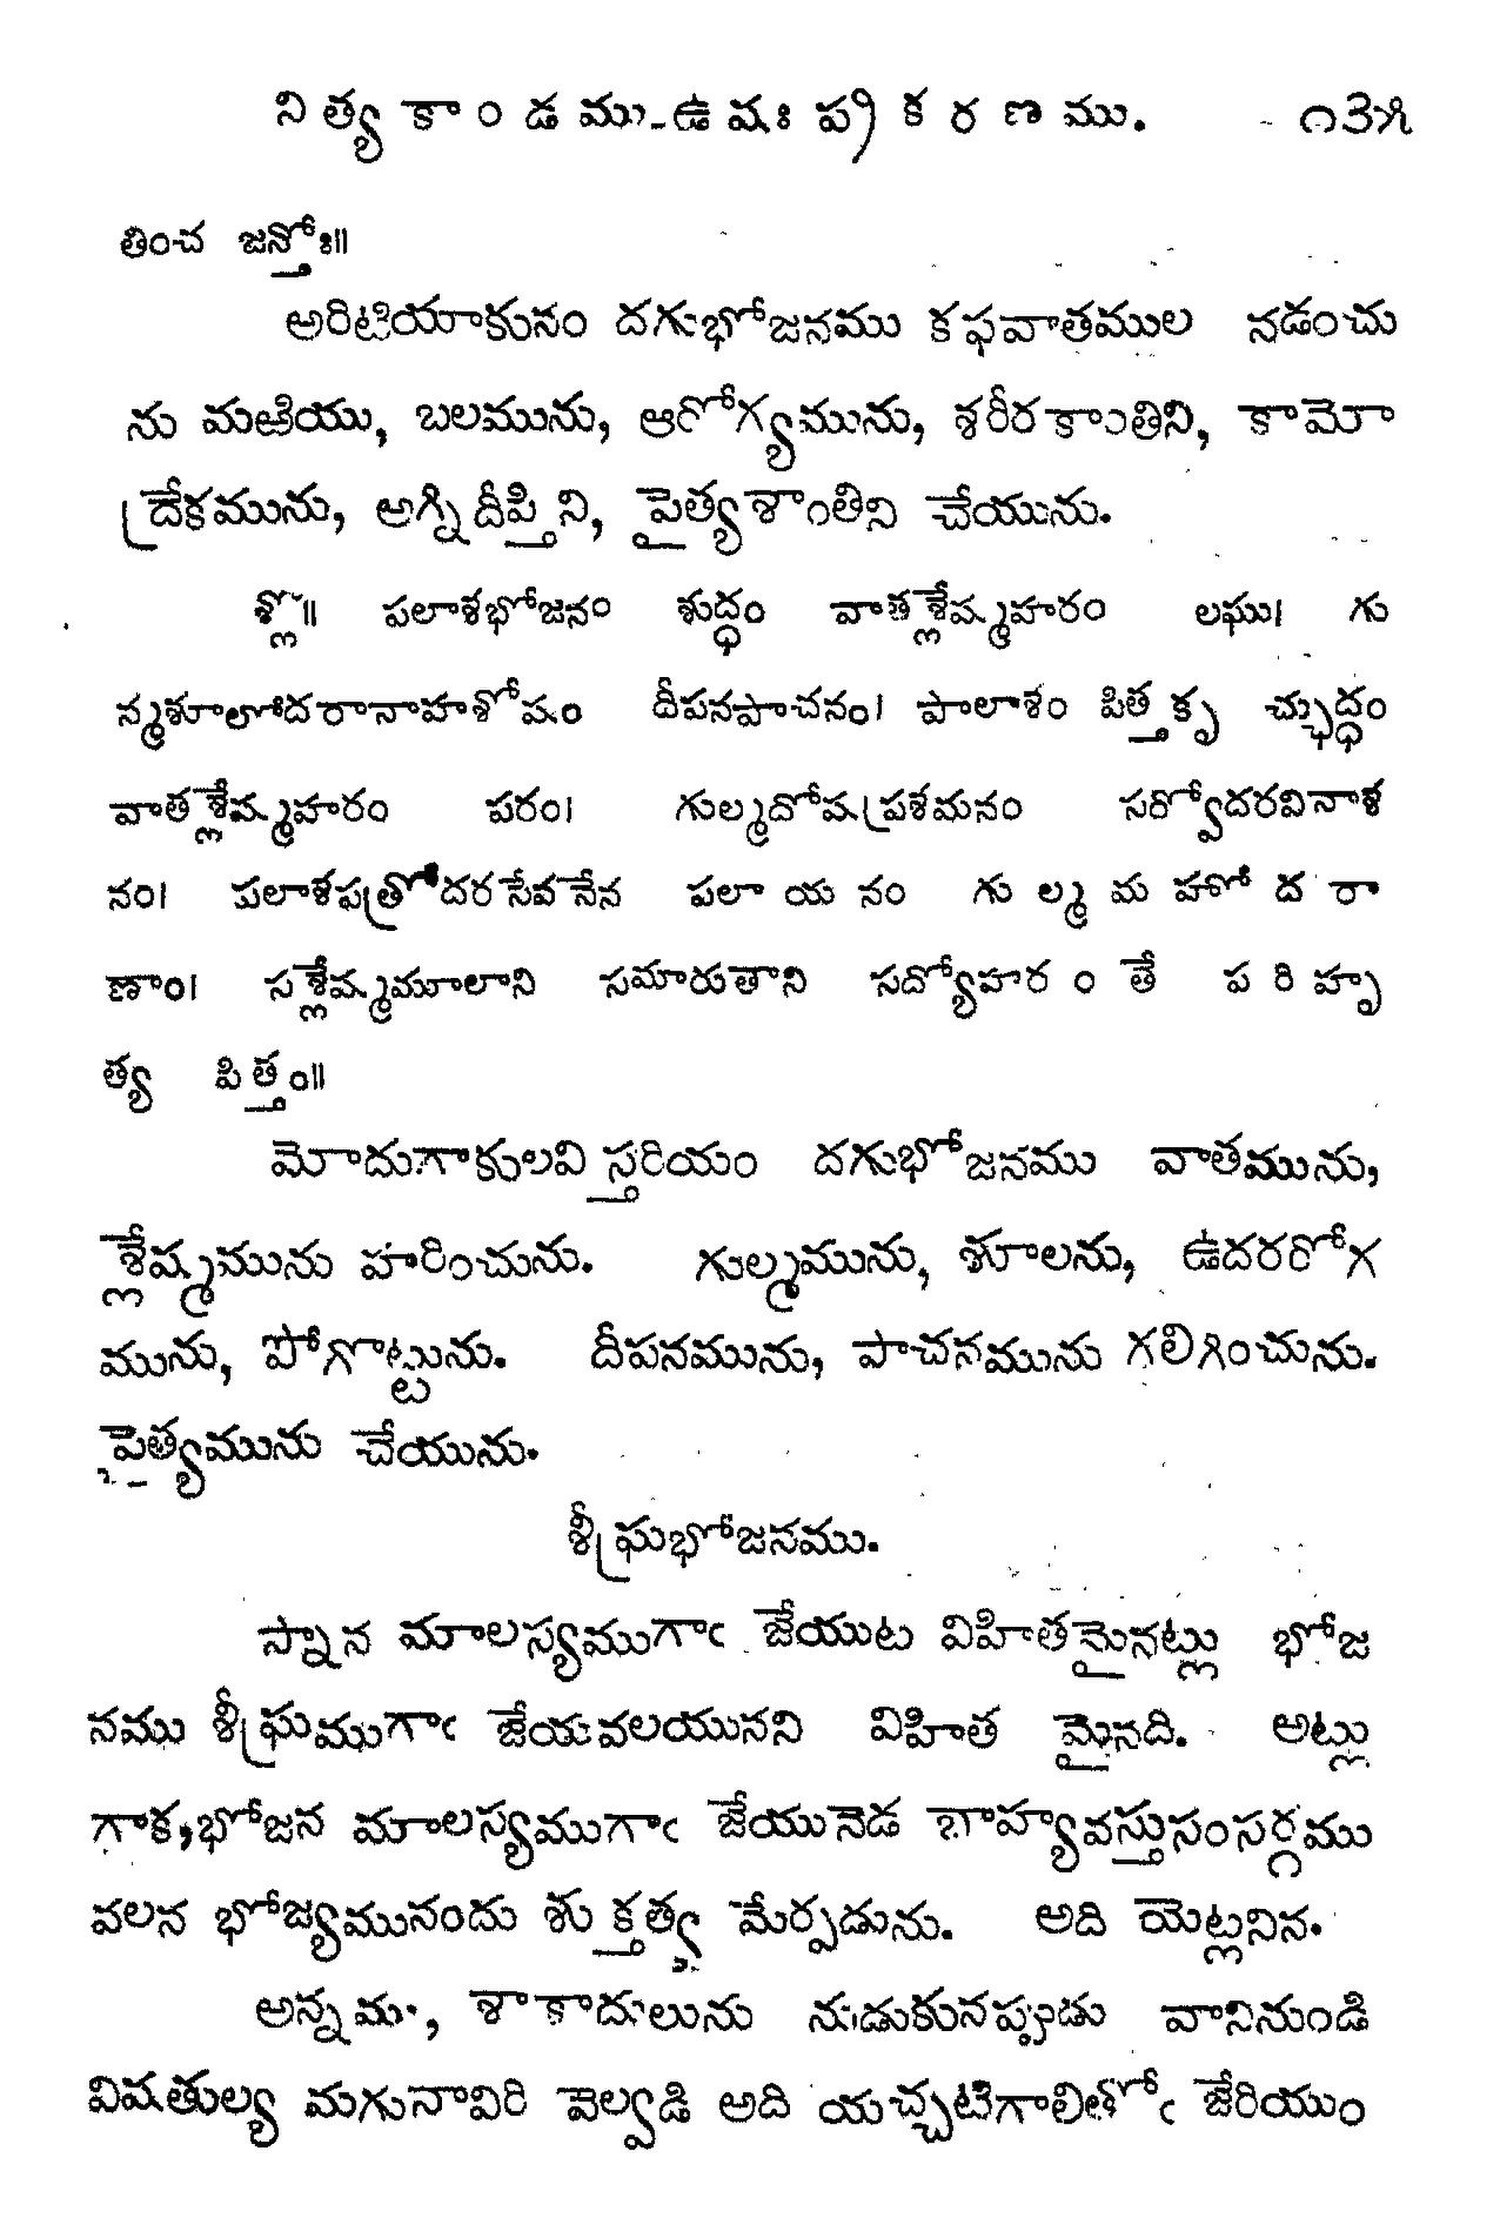తించ జన్తోః॥

అరిటియాకునం దగుభోజనము కఫవాతముల నడంచును మఱియు, బలమును, ఆరోగ్యమును, శరీరకాంతిని, కామోద్రేకమును, అగ్నిదీప్తిని, పైత్యశాంతిని చేయును.

శ్లో॥ పలాశభోజనం శుద్ధం వాతశ్లేష్మహరం లఘు! గున్మశూలోదరానాహశోషం దీపనపాచనం। పాలాశం పిత్తకృ చ్ఛుద్ధం వాతశ్లేష్మహరం పరం।
గుల్మదోషప్రశమనం సర్వోదరవినాశనం। పలాశపత్రోదరసేవనేన పలా య నం గుల్మమహోదరాణాం। సశ్లేష్మమూలాని సమారుతాని సద్యోహరం తే పరిహృత్య పిత్తం॥

మోదుగాకులవిస్తరియం దగుభోజనము వాతమును, శ్లేష్మమును హరించును, గుల్మమును, శూలను, ఉదరరోగమును, పోగొట్టును. దీపనమును, పాచనమును గలిగించును. పైత్యమును చేయును.

స్నాన మాలస్యముగాఁ జేయుట విహితమైనట్లు భోజనము శీఘ్రముగాఁ జేయవలయునని విహిత మైనది. అట్లుగాక, భోజన మాలస్యముగాఁ జేయునెడ బాహ్యవస్తుసంసర్గము వలన భోజ్యమునందు శుక్తత్వ మేర్పడును. అది యెట్లనిన.

అన్నము, శాకాదులును నుడుకునప్పుడు వానినుండి విషతుల్య మగునావిరి వెల్వడి అది యచ్చటిగాలితోఁ జేరియుం